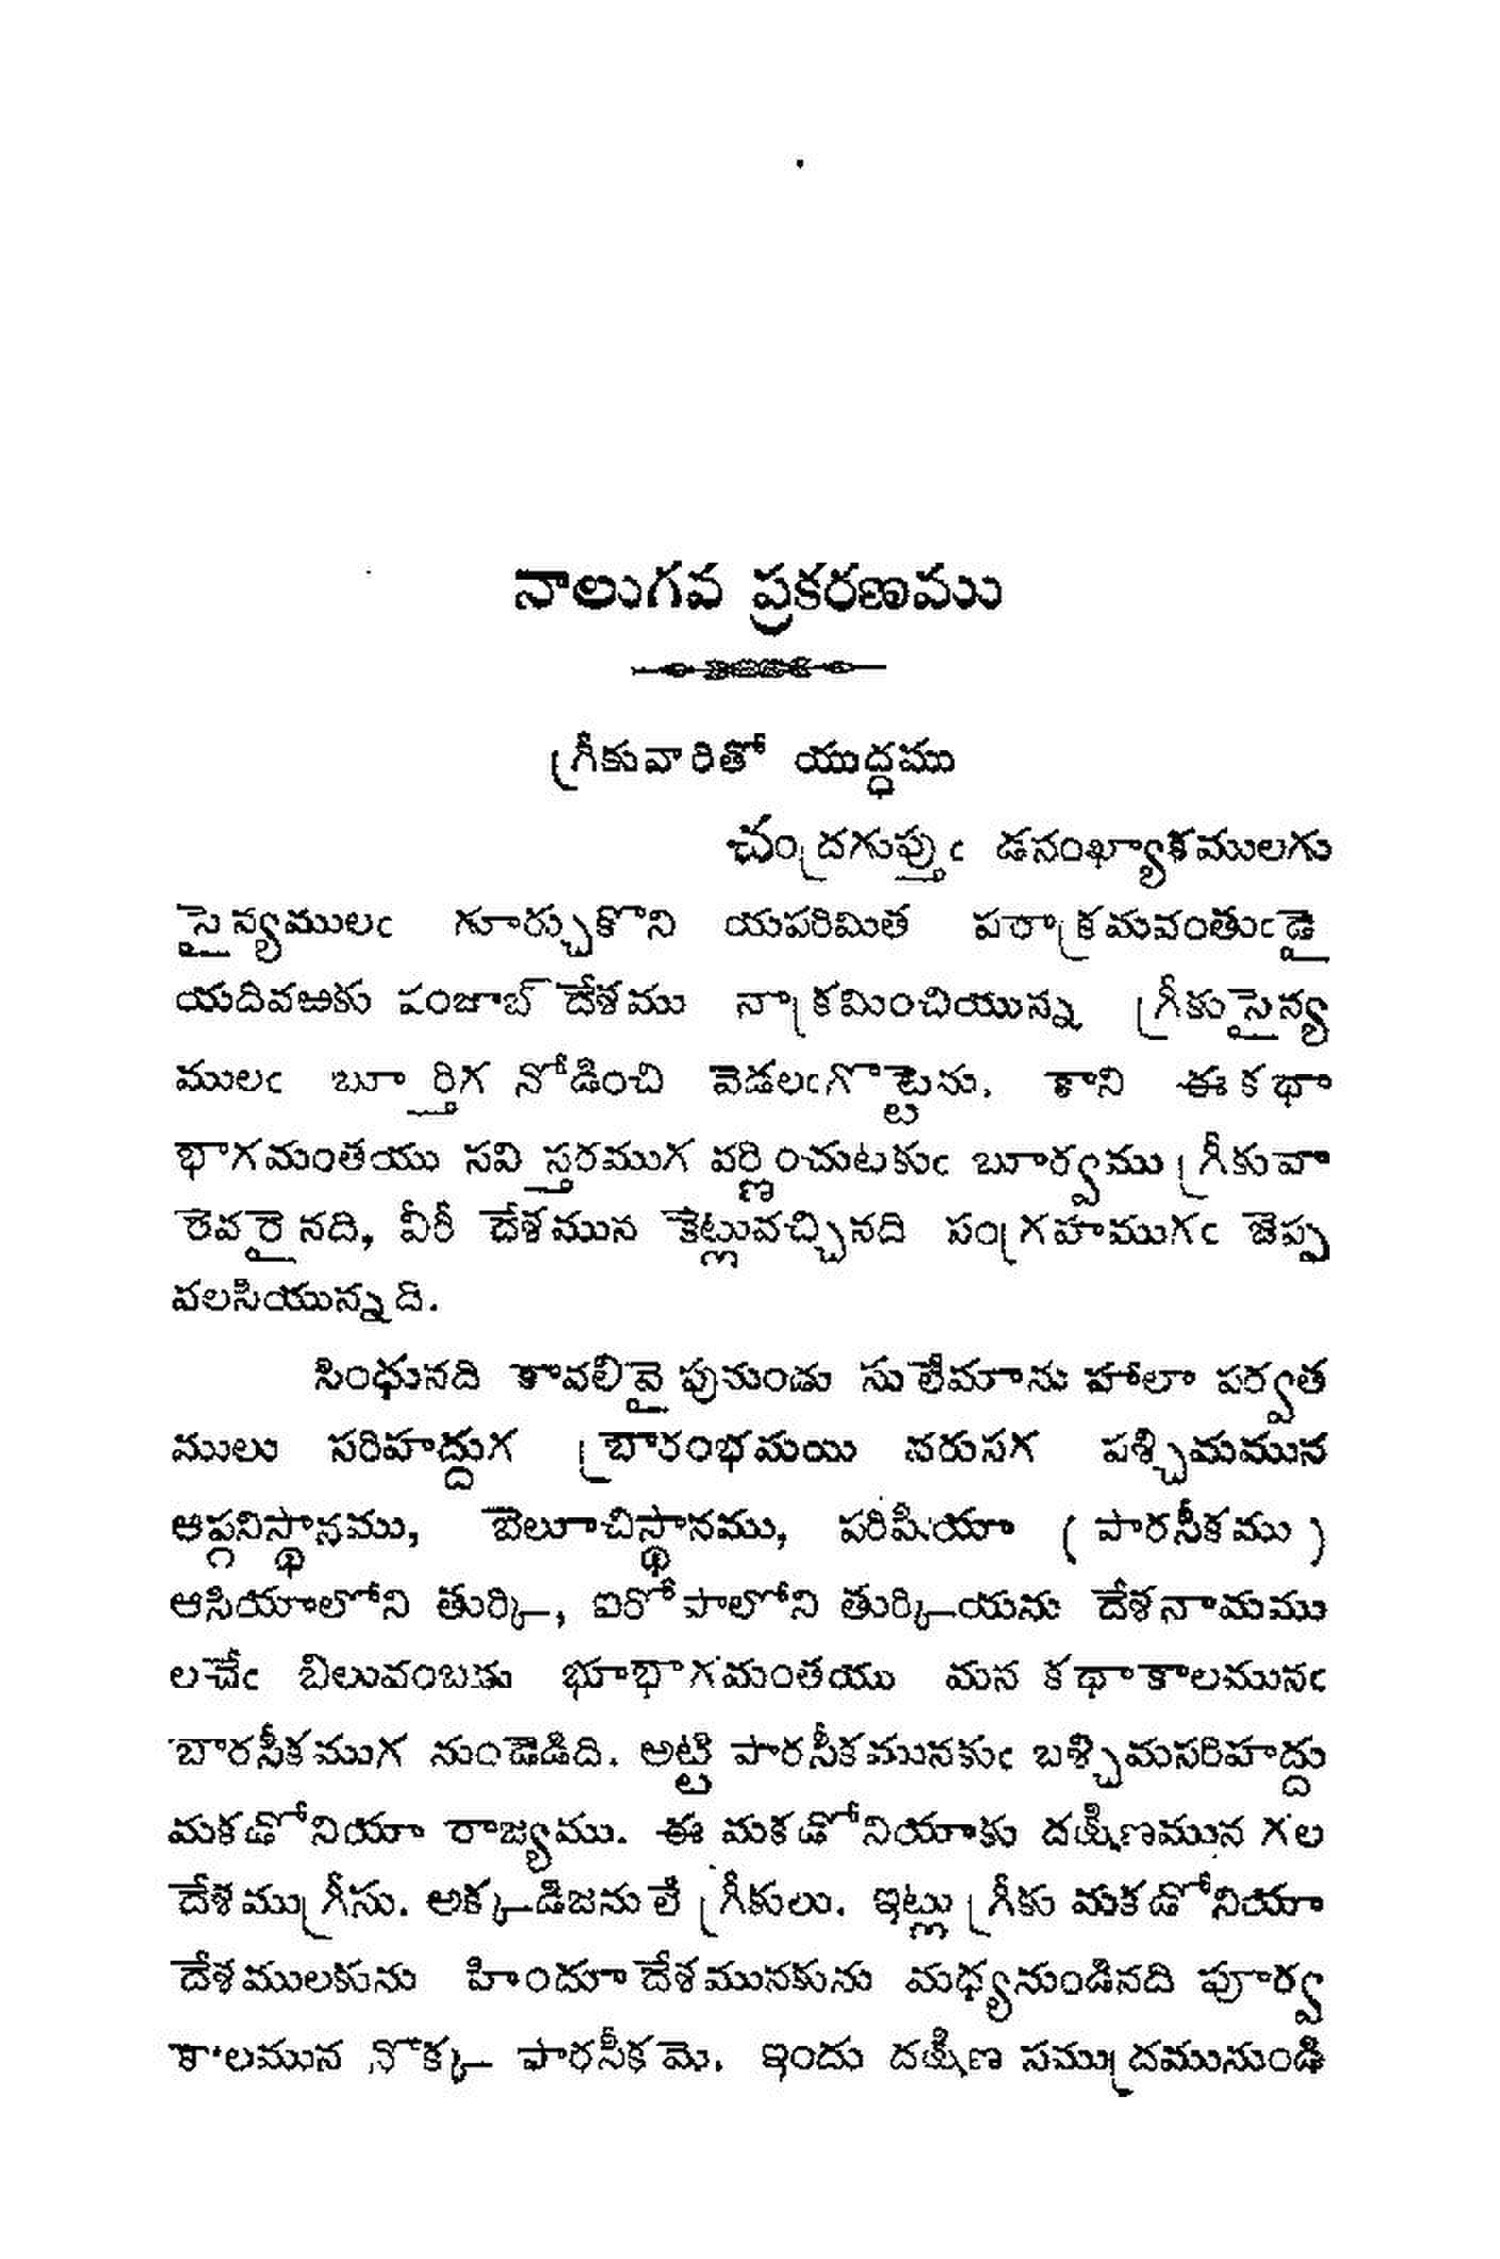నాలుగవ ప్రకరణము

గ్రీకువారితో యుద్ధము

చంద్రగుప్తుఁ డసంఖ్యాకములగు సైన్యములఁ గూర్చుకొని యపరిమిత పరాక్రమవంతుఁడై యదివఱకు పంజాబ్ దేశము నాక్రమించియున్న గ్రీకుసైన్యములఁ బూర్తిగ నోడించి వెడలఁగొట్టెను, కాని ఈ కథా భాగమంతయు సవిస్తరముగ వర్ణించుటకుఁ బూర్వము గ్రీకువా రెవరైనది, వీరీ దేశమున కెట్లువచ్చినది. సంగ్రహముగఁ జెప్ప వలసియున్నది.

సింధునది కావలివైపునుండు సులేమాను హాలా పర్వతములు సరిహద్దుగ బ్రారంభమయి వరుసగ పశ్చిమమున ఆప్గనిస్థానము, బెలూచిస్థానము, పరిషియా ( పారసీకము ) ఆసియాలోని తుర్కి, ఐరోపాలోని తుర్కియను దేశనామములచేఁ బిలువంబడు భూభాగమంతయు మన కథాకాలమునఁ బారసీకముగ నుండెడిది. అట్టి పారసీకమునకుఁ బశ్చిమసరిహద్దు మకడోనియా రాజ్యము. ఈ మకడోనియాకు దక్షిణమున గల దేశముగ్రీసు. అక్కడిజనులే గ్రీకులు. ఇట్లు గ్రీకు మకడోనియా దేశములకును హిందూ దేశమునకును మధ్యనుండినది పూర్వ కాలమున నొక్క ఫారసీకమె. ఇందు దక్షిణ సముద్రమునుండి